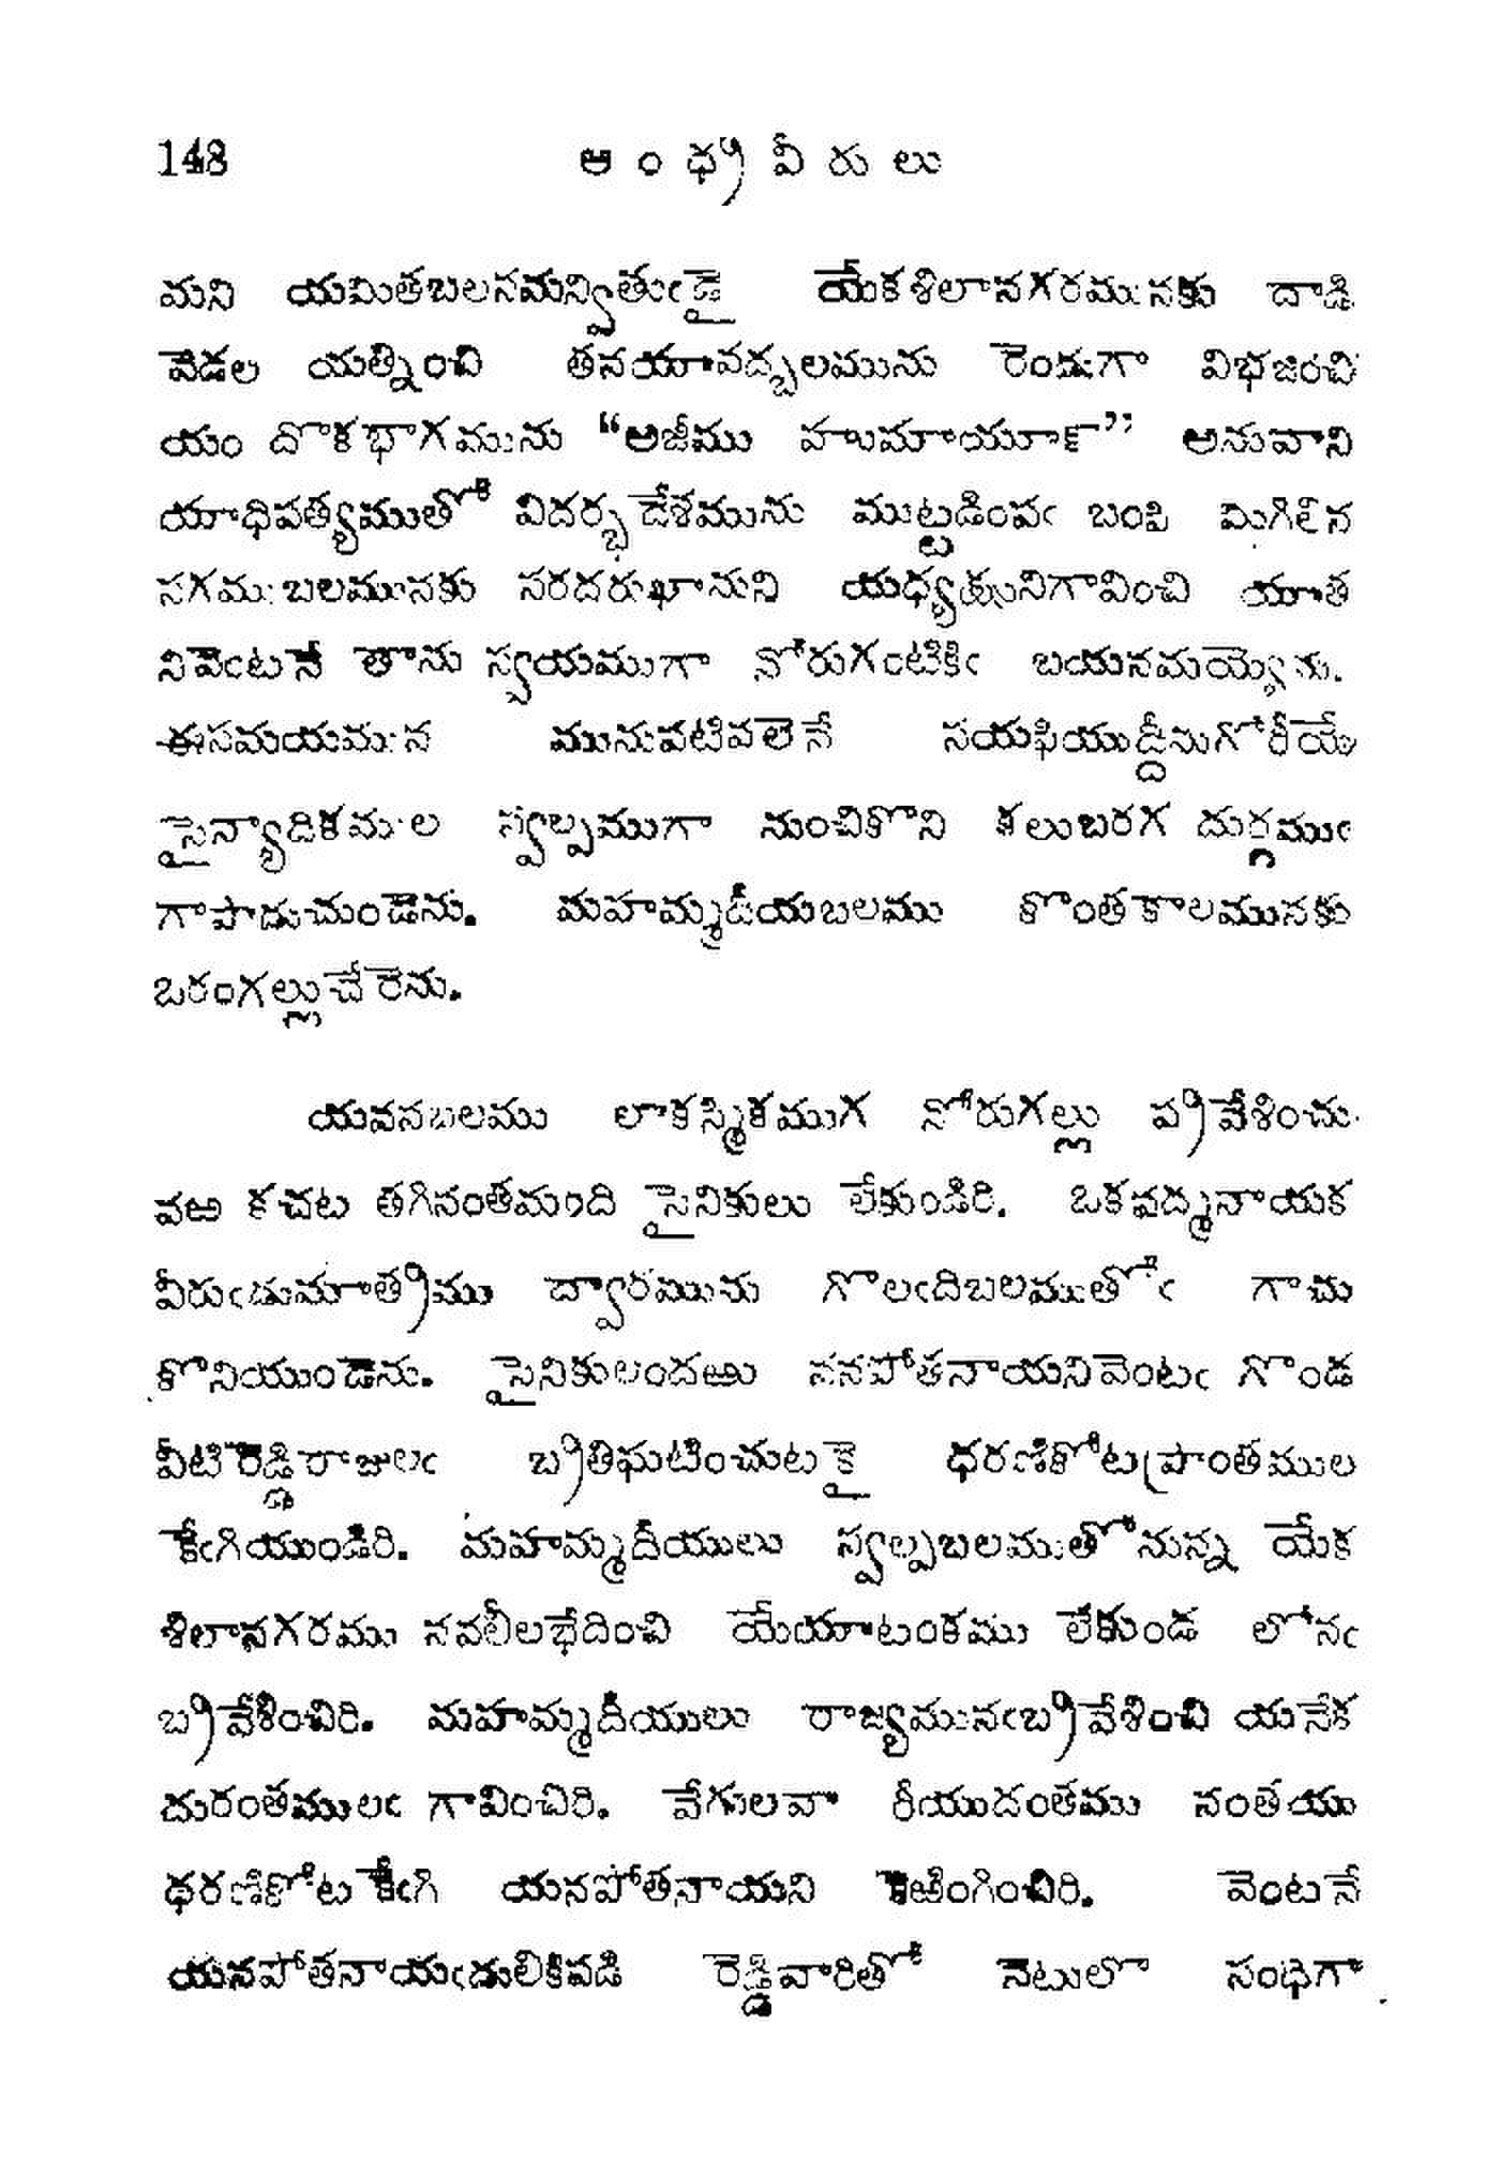మని యమితబలసమన్వితుడై యేకశిలానగరమునకు దాడి వెడల యత్నించి తనయావద్బలమును రెండుగా విభజించి యం దొకభాగమును "అజీము హుమాయూన్" అనువాని యాధిపత్యముతో విదర్భదేశమును ముట్టడింప బంపి మిగిలిన సగముబలమునకు సరదరుఖానుని యధ్యక్షునిగావించి యాతనివెంటనే తాను స్వయముగా నోరుగంటికి బయనమయ్యెను. ఈసమయమున మునుపటివలెనే సయఫియుద్దీనుగోరీయే సైన్యాదికముల స్వల్పముగా నుంచికొని కలబరగ దుర్గము గాపాడుచుండెను. మహమ్మదీయబలము కొంతకాలమునకు ఒరంగల్లుచేరెను.

యవనబలము లాకస్మికముగ నోరుగల్లు ప్రవేశించు వఱ కచట తగినంతమంది సైనికులు లేకుండిరి. ఒకపద్మనాయక వీరుడుమాత్రము ద్వారమును గొలదిబలముతో గాచుకొనియుండెను. సైనికులందఱు ననపోతనాయనివెంట గొండవీటిరెడ్డిరాజుల బ్రతిఘటించుటకై ధరణికోటప్రాంతముల కేగియుండిరి. మహమ్మదీయులు స్వల్పబలముతోనున్న యేకశిలానగరము నవలీలభేదించి యేయాటంకము లేకుండ లోనబ్రవేశించిరి. మహమ్మదీయులు రాజ్యమునబ్రవేశించి యనేక దురంతముల గావించిరి. వేగులవా రీయుదంతము నంతయు ధరణికోట కేగి యనపోతనాయని కెఱింగించిరి. వెంటనే యనపోతనాయడులికిపడి రెడ్డివారితో నెటులొ సంధిగా